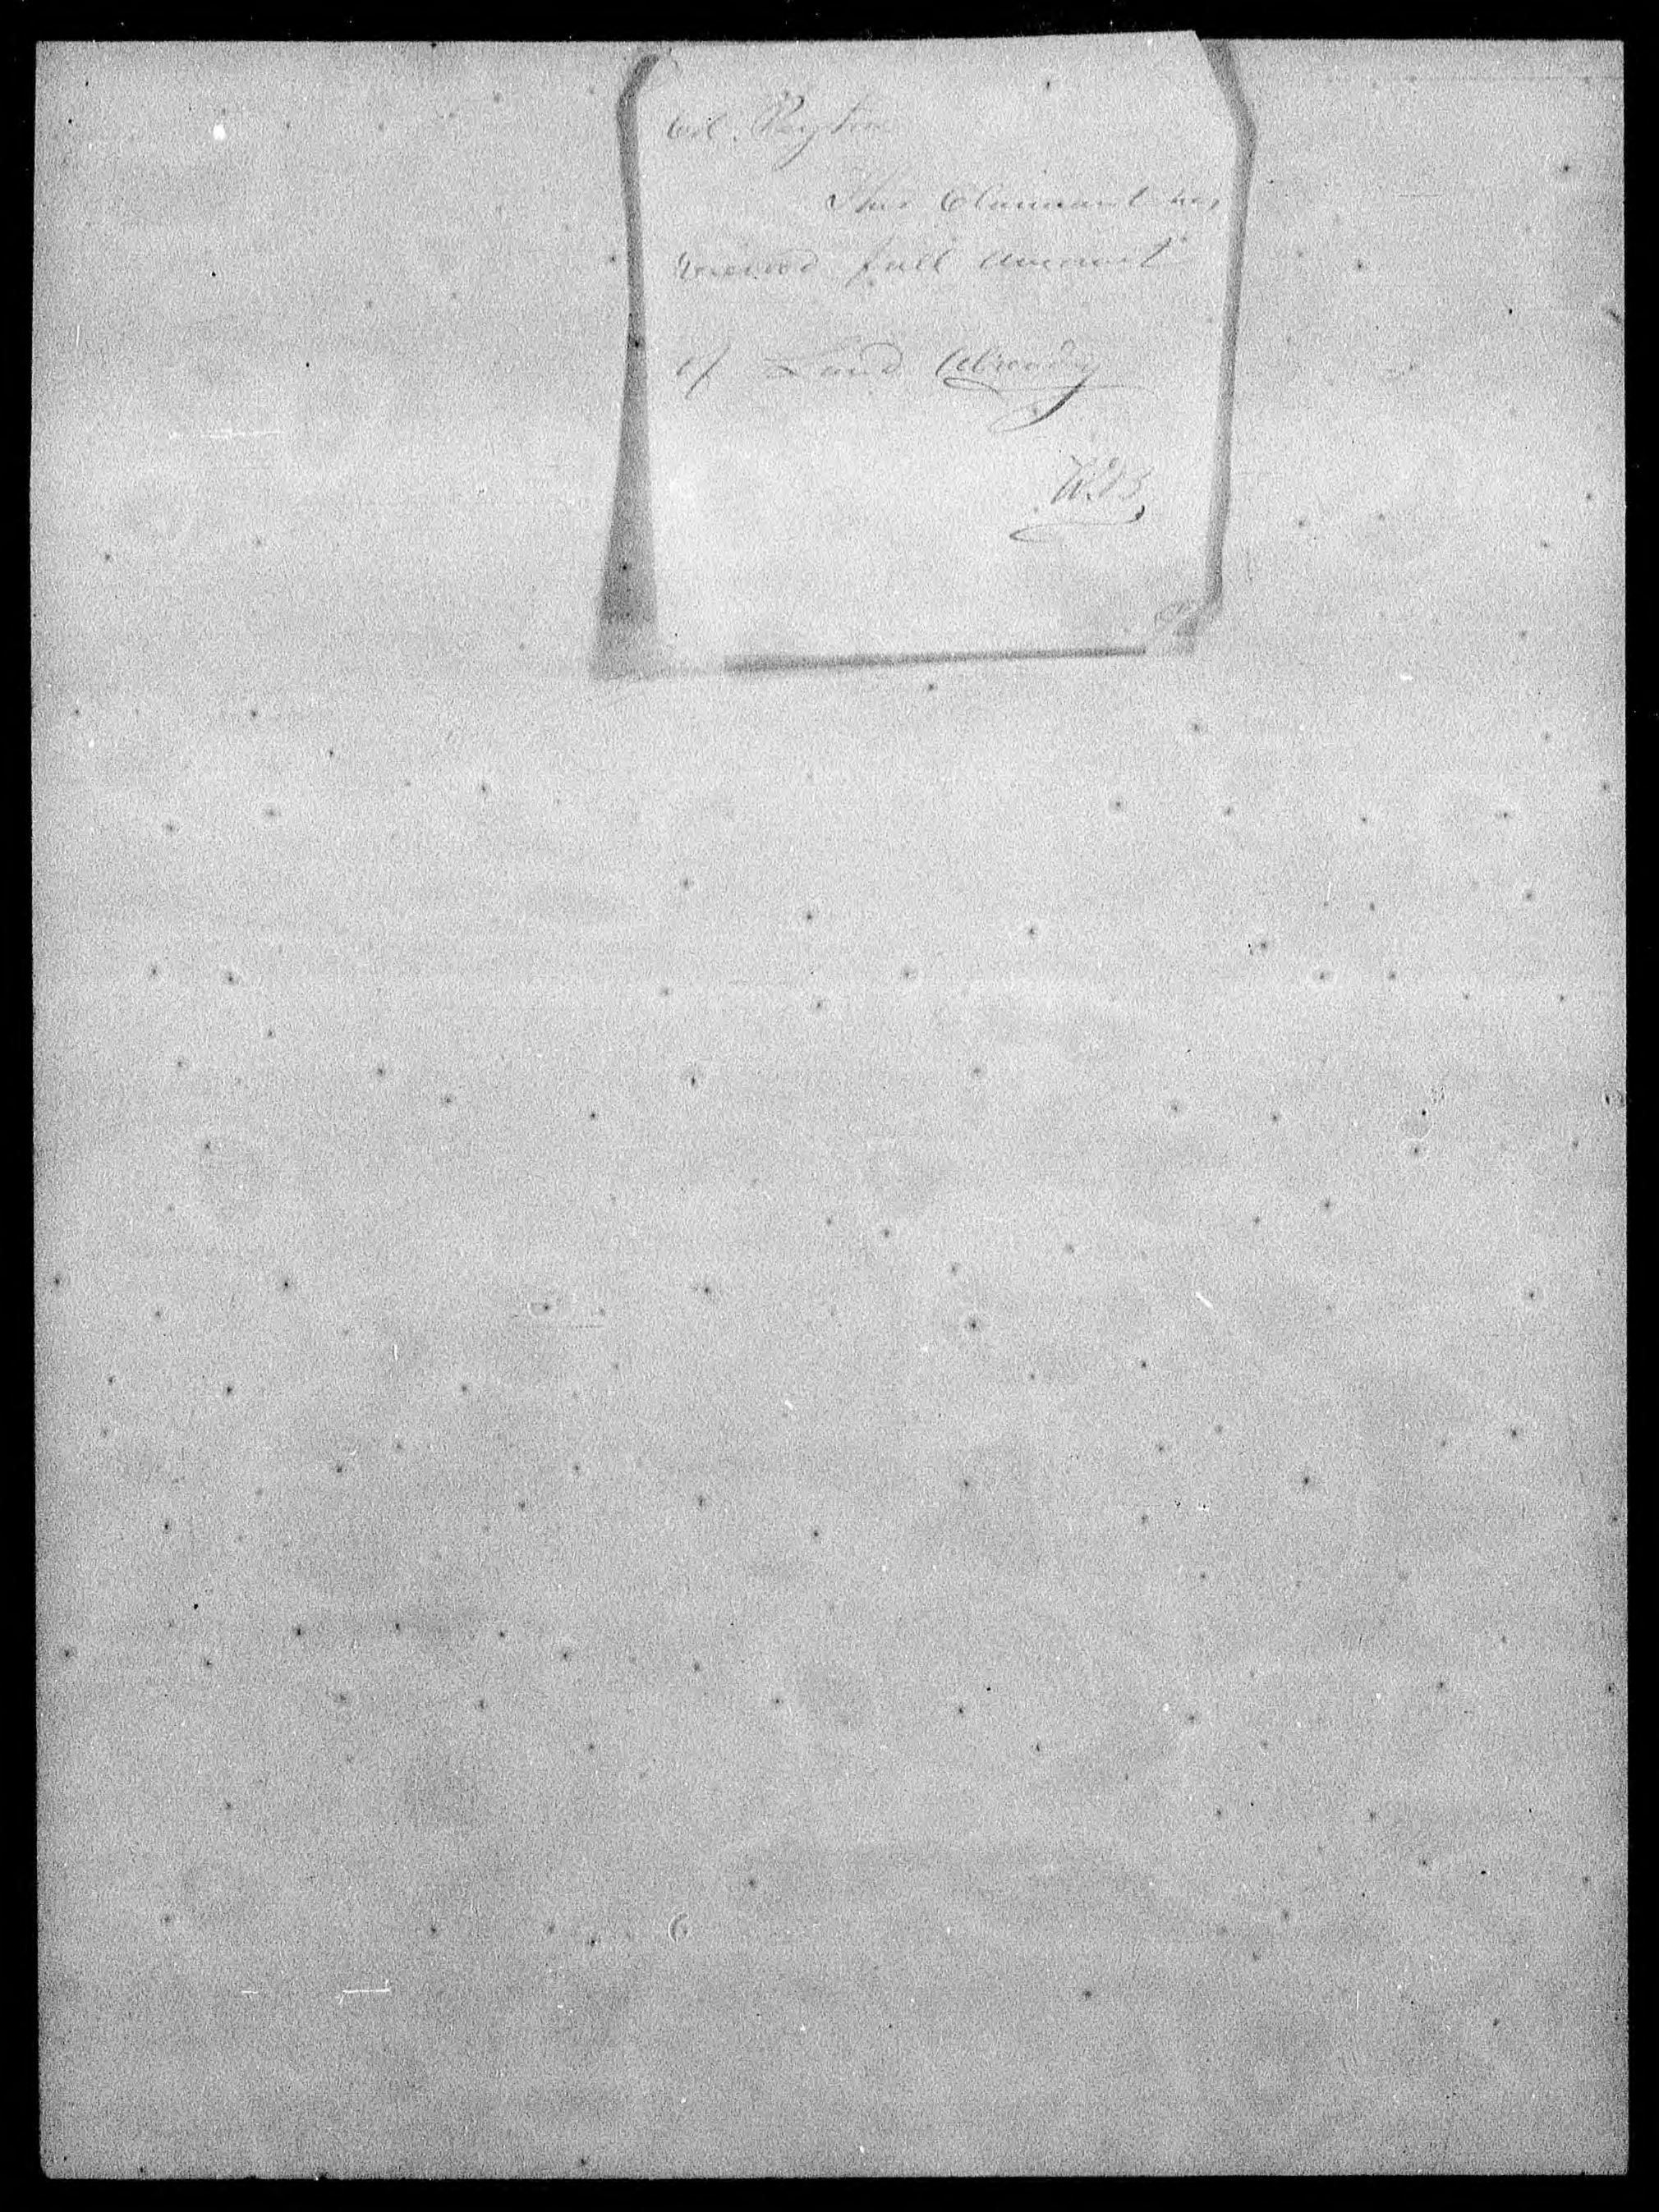Col. Boynton
This Claimant has
received full Amount
of Land Already
W.B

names: Boynton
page: 33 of 74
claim: widow's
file: W. 5, Joseph Hatfield, Va.